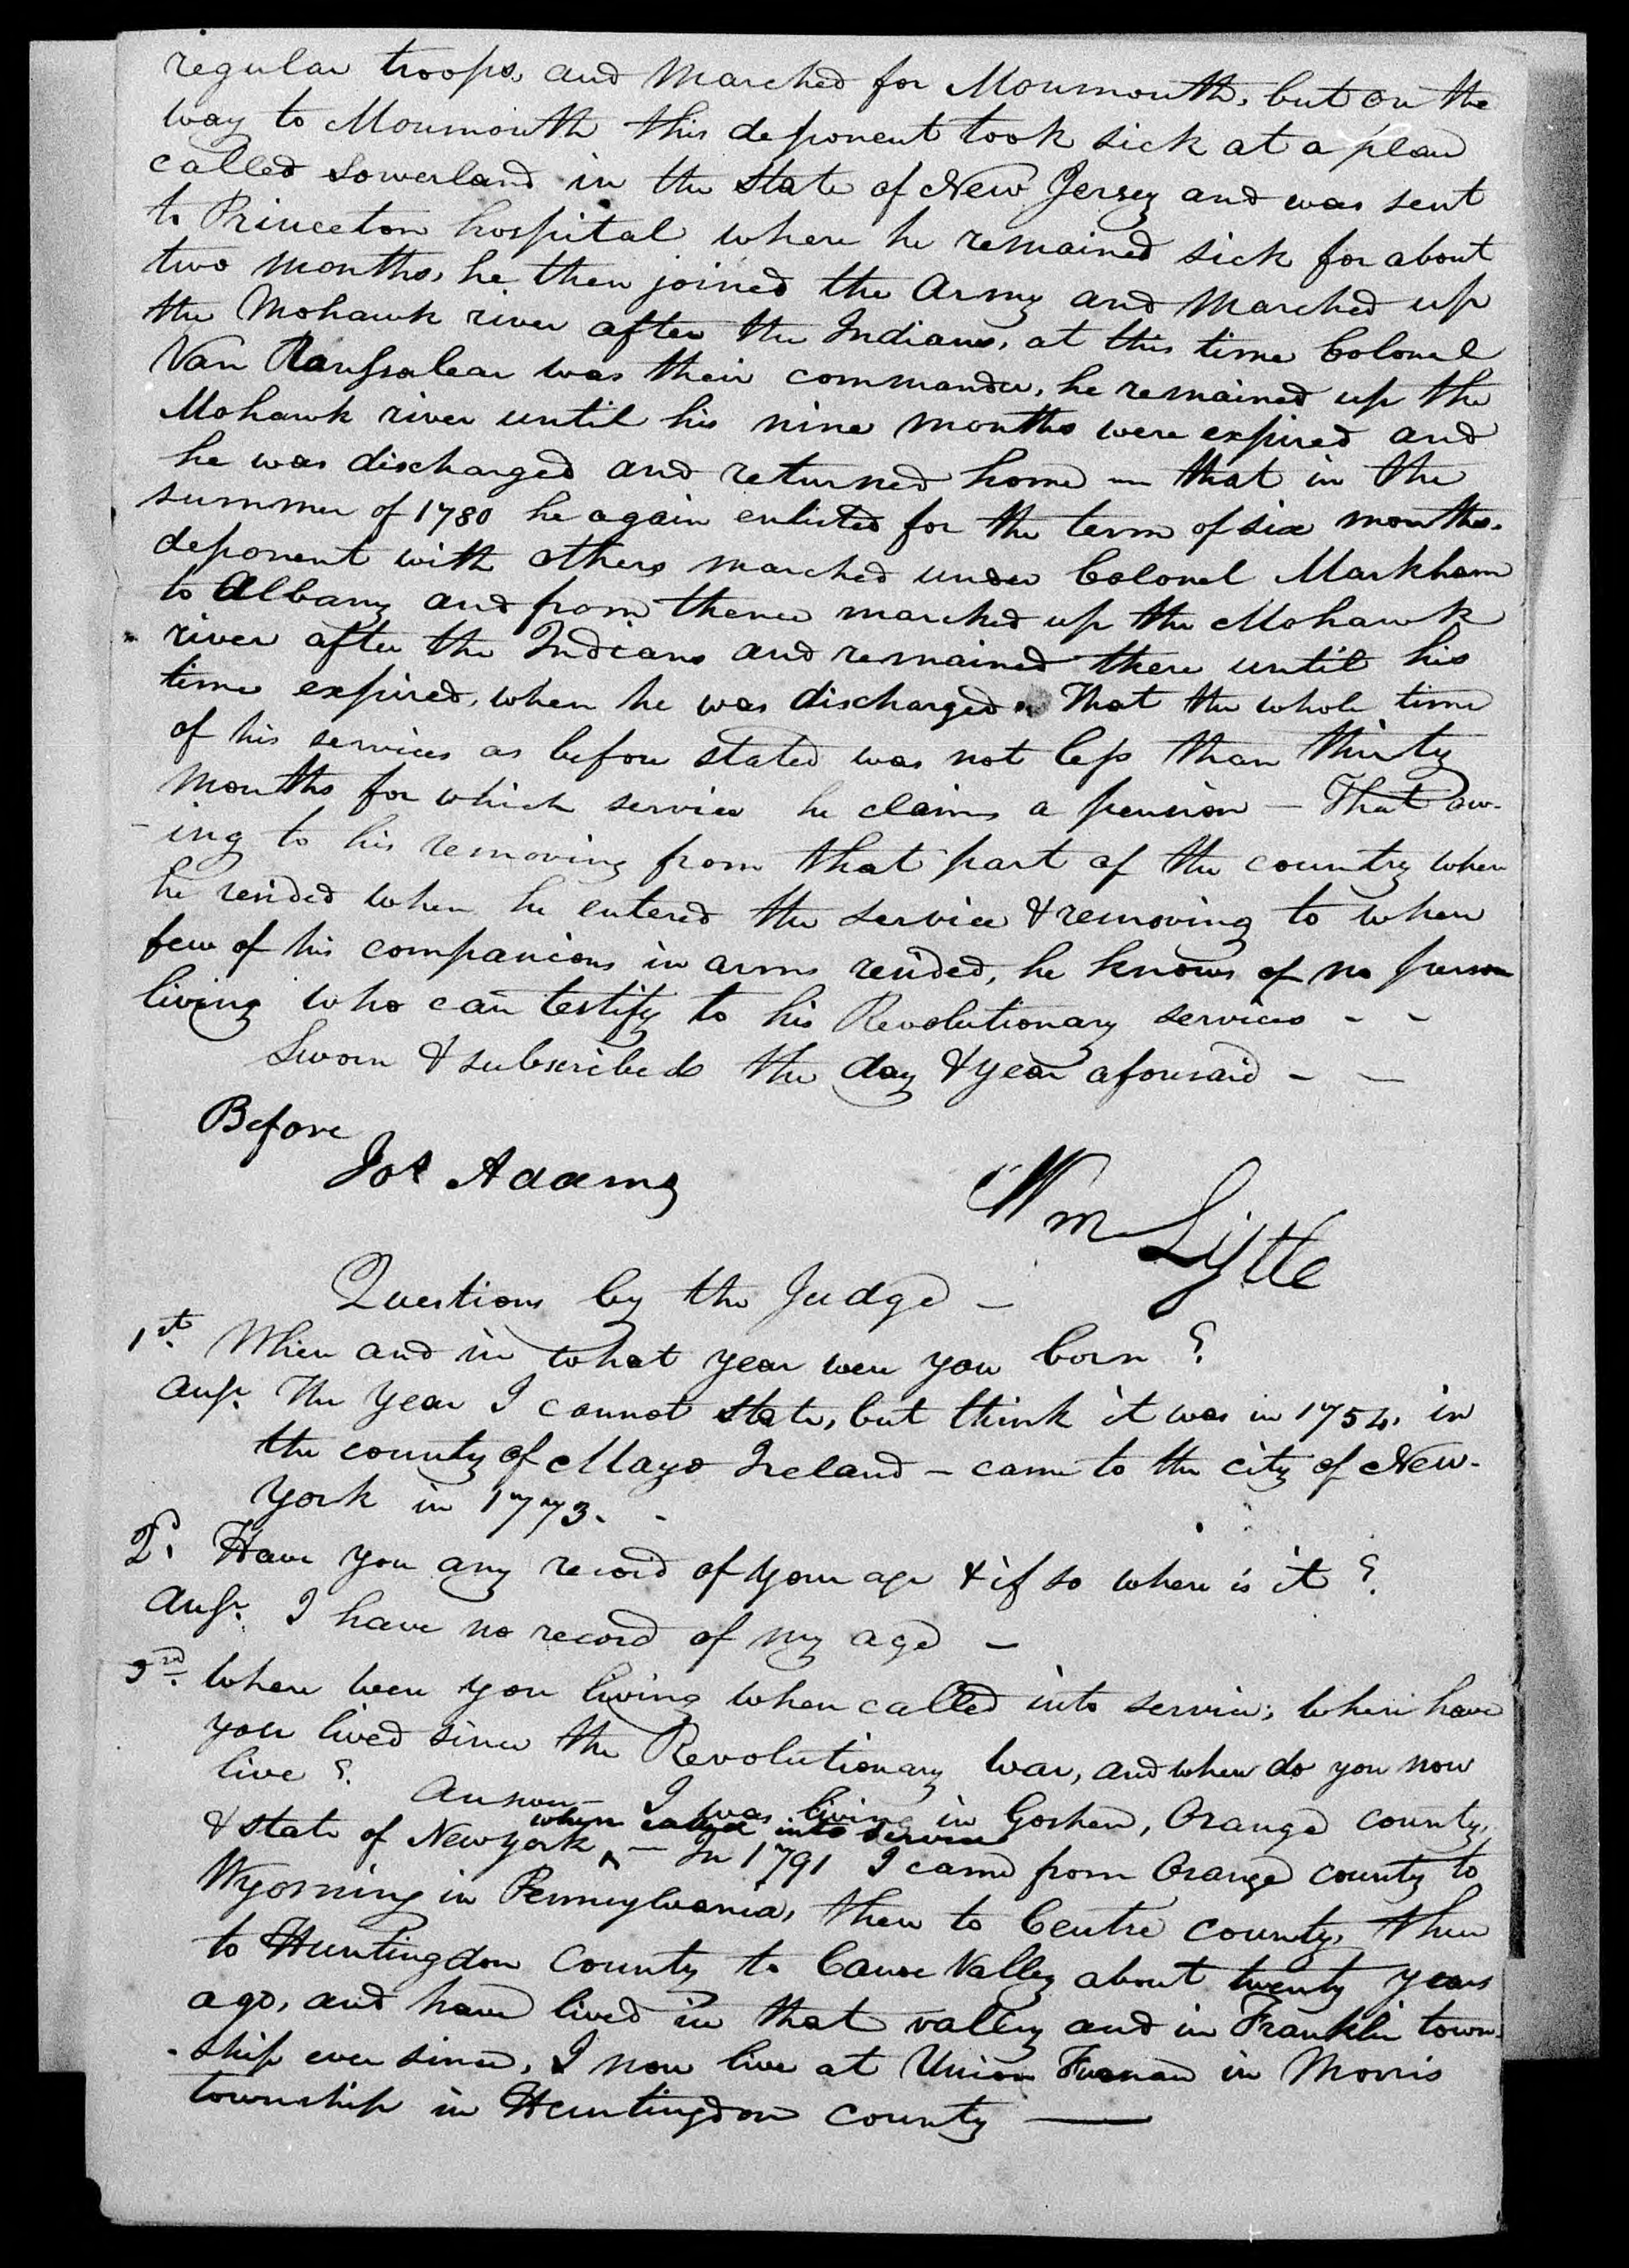regular troops, and marched for Monmouth, but on the way to Monmouth this deponent took sick at a place called Sourland in the State of New Jersey and was sent to Princeton hospital where he remained sick for about
two months, he then joined the army and marched up the Mohawk river after the Indians, at this time Colonel Van Rensselaer was their commander, he remained up the
Mohawk river until his nine months were expired and he was discharged and returned home -- that in the summer of 1780 he again enlisted for the term of six months.
deponent with others marched under Colonel Markham to Albany and from thence marched up the Mohawk river after the Indians and remained there until his time expired, when he was discharged. That the whole time
of his services as before stated was not less than thirty months for which service he claims a pension.
That owing to his removing from that part of the country where he resided when he entered the service & removing to where few of his companions in arms resided, he knows of no person living who can testify to his Revolutionary services.
Sworn & subscribed the day & year aforesaid
Before
Jos Adams
[signed] Wm Lytle

Questions by the Judge
-
1st When and in what year were you born?
Ans. The year I cannot state, but think it was in 1754, in the County of Mayo Ireland, came to the City of New York in 1773
2nd. - Have you any record of your age & if so where is it?
Ans. I have no record of my age
3rd Where were you living when called into service; where have you lived since the Revolutionary war, and where do you now live?
Answer - I was living in Goshen, Orange County & State of New York when called into service. -- In 1791 I came from Orange County to Wyoming in Pennsylvania, then to Centre County then to Huntingdon County to Canoe Valley about twenty years ago, and have lived in that valley and in Franklin township ever since, I now live at Union Furnace in Morris
township in Huntingdon County ---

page: 22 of 24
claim: survivor's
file: S. 13810, for William Lytle, New York